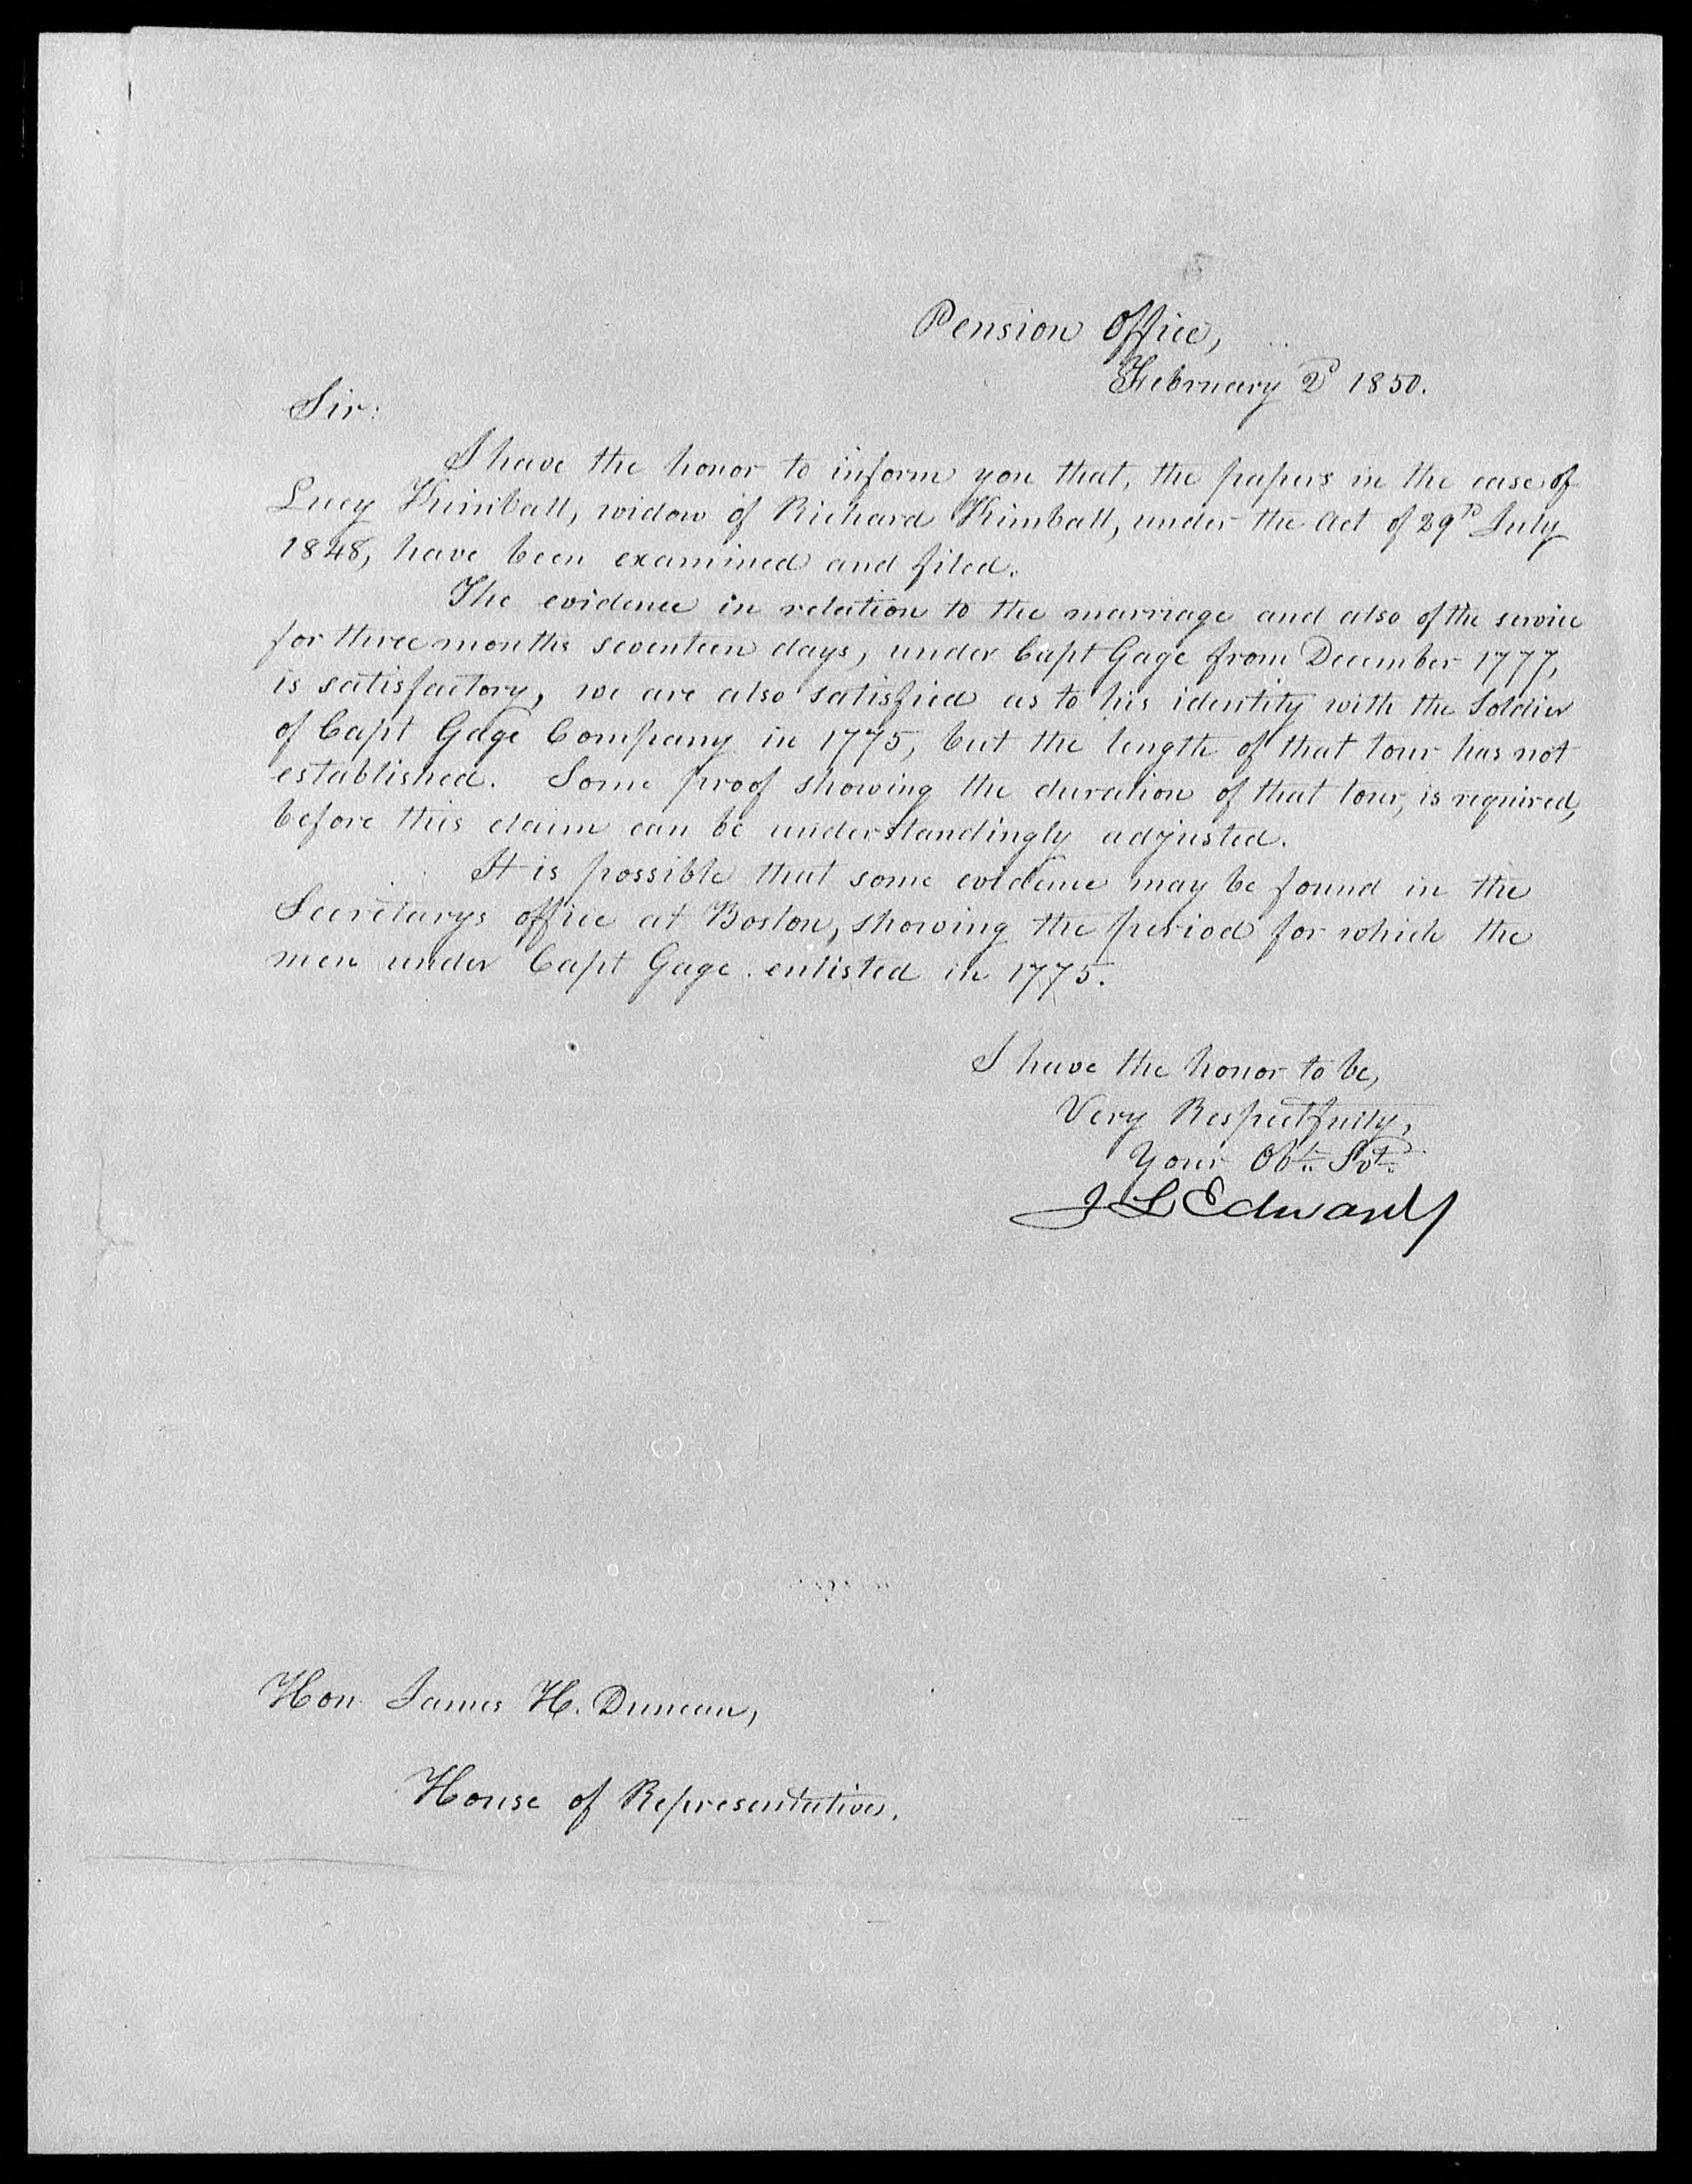Pension Office,
February 2d 1850.

Sir:
I have the honor to inform you that, the papers in the case of Lucy Kimball, widow of Richard Kimball, under the act of 29th July 1848, have been examined and filed.

The evidence in relation to the marriage and also of the service for three months seventeen days, under Capt Gage from December 1777, is satisfactory, we are also satisfied as to his identity with the soldier of Capt Gage Company in 1775, but the length of that tour has not established. Some proof showing the duration of that tour is required, before this claim can be understandingly adjusted.

It is possible that some evidence may be found in the Secretarys office at Boston, showing the period for which the men under Capt Gage enlisted in 1775.

I have the honor to be,
Very Respectfully,
Your [illegible]
J L Edwards


Hon James H Duncan
House of Representatives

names: James H Duncan; [BLANK] Gage; Richard Kimball; Lucy Kimball; J L Edwards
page: 24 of 29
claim: widow's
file: W. 1779, for Richard Kimball, Massachusetts